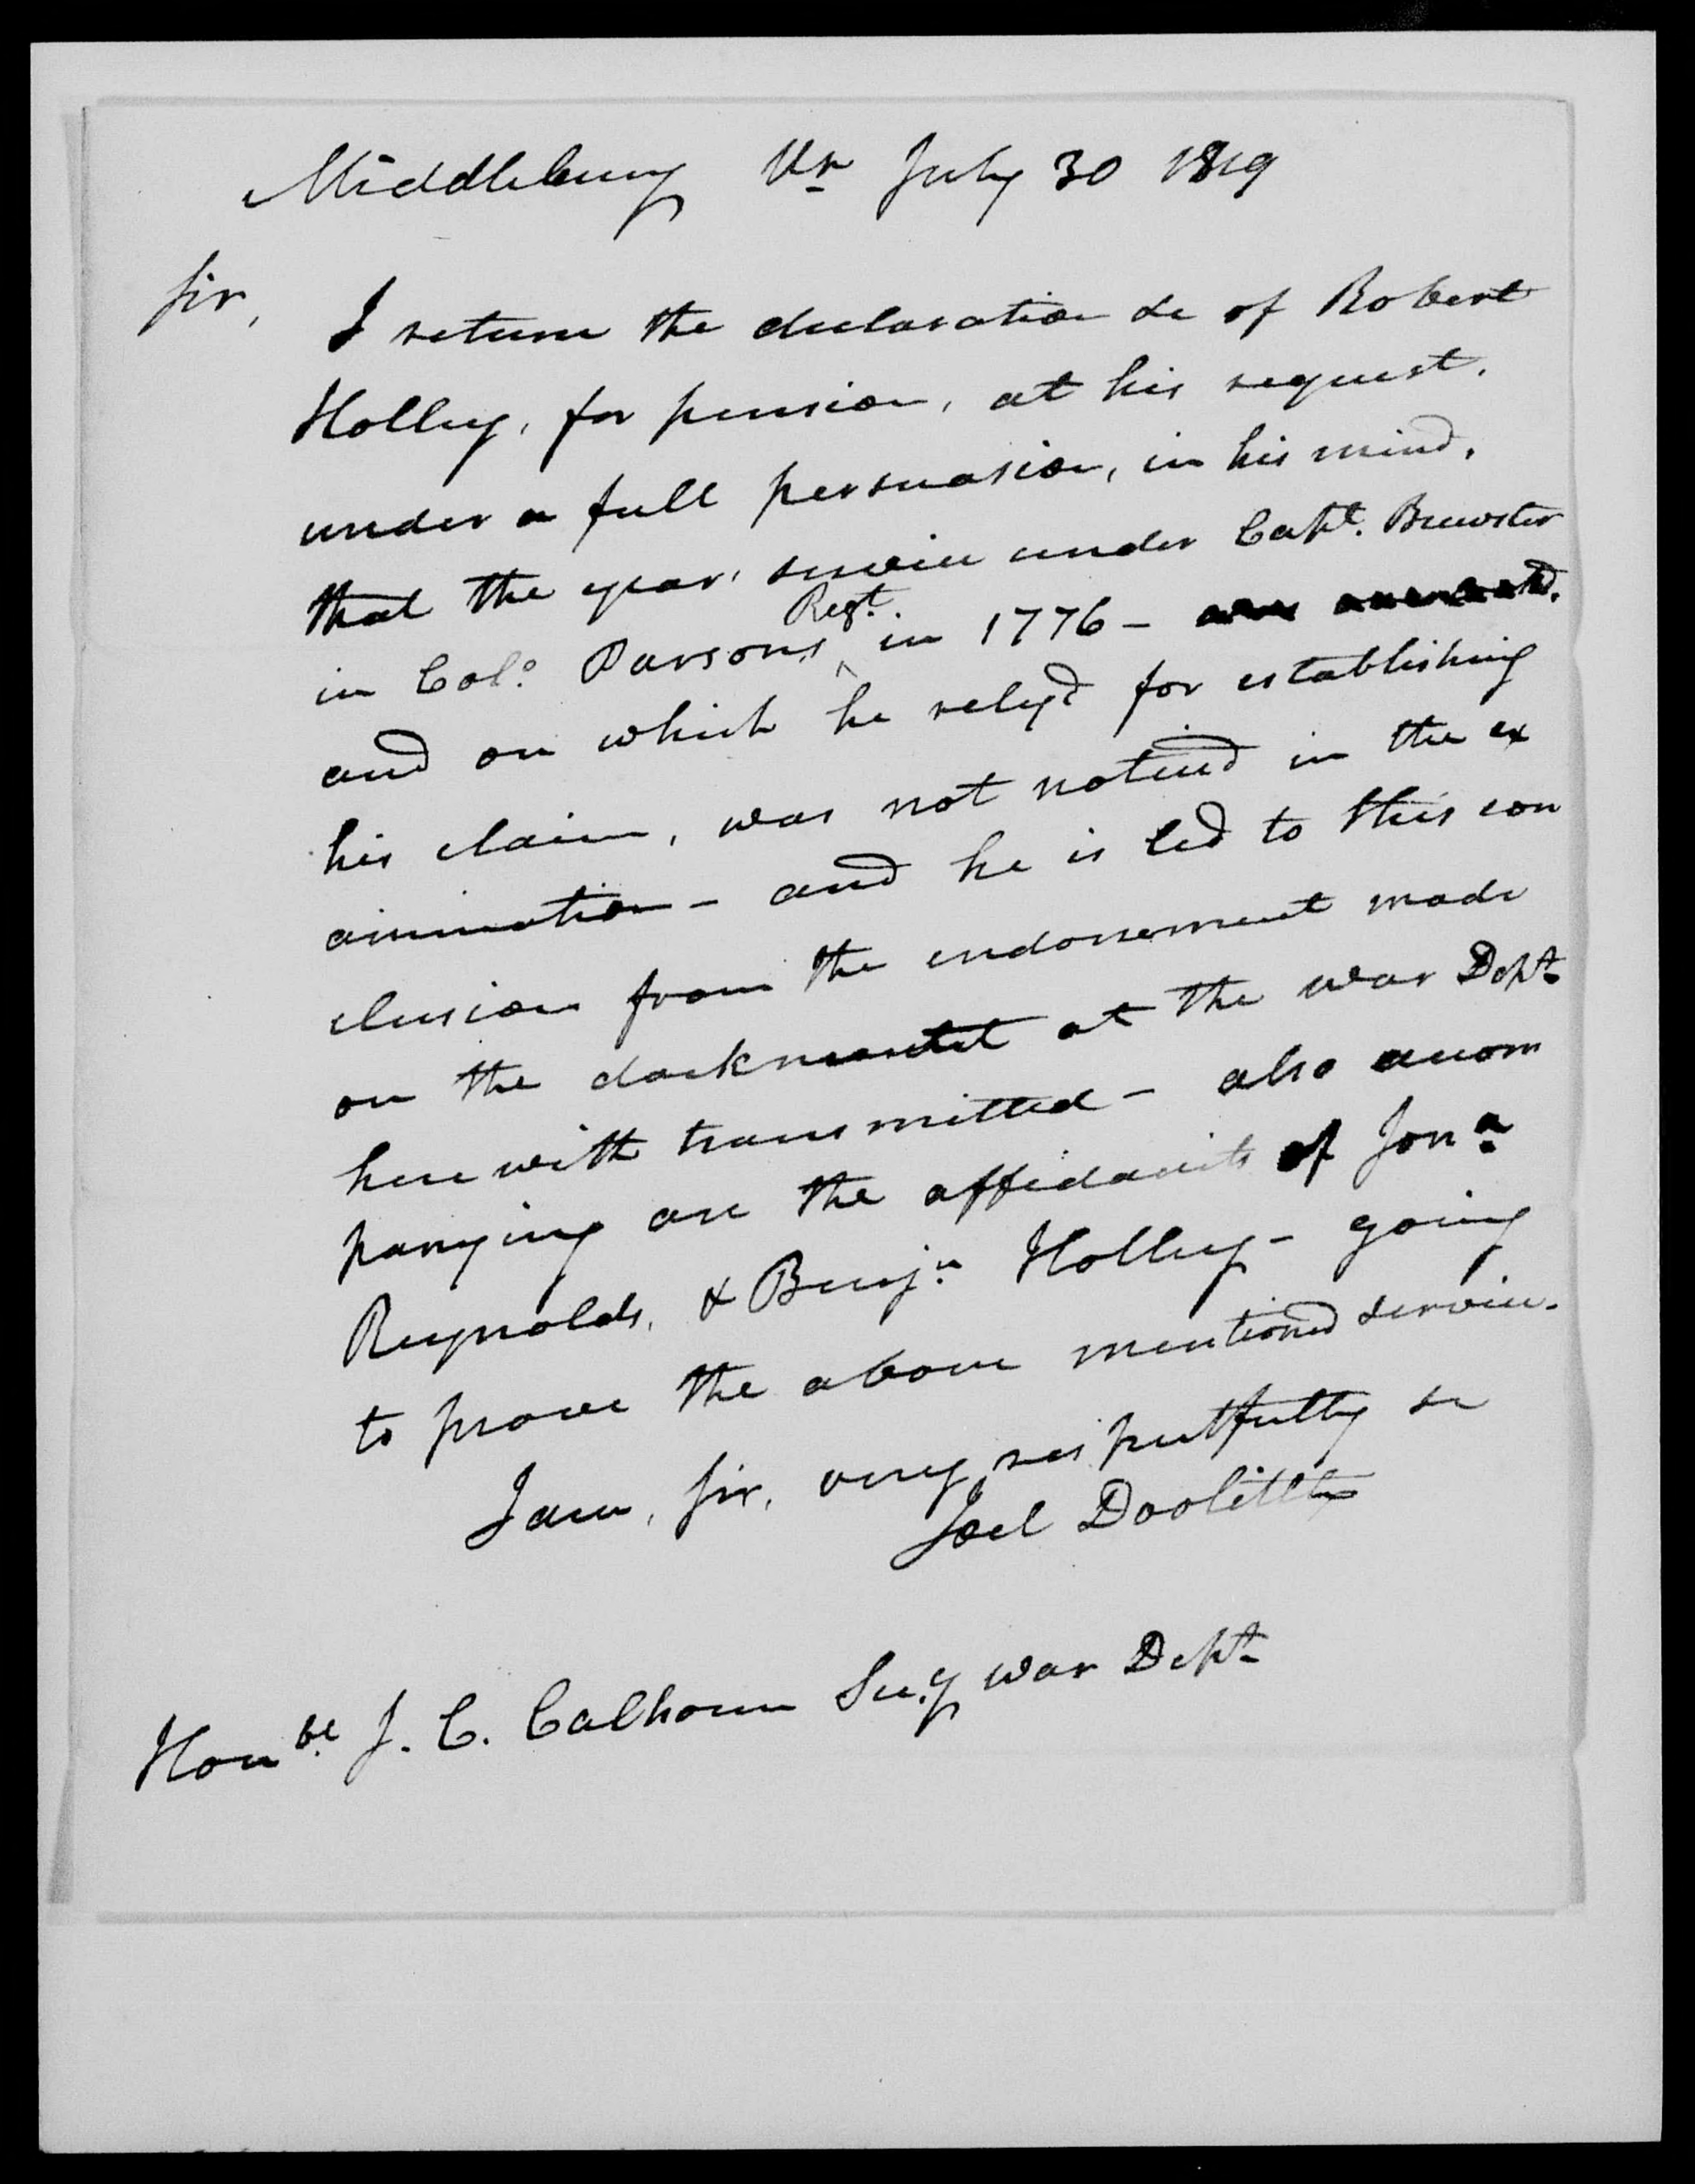Middlebury Vt July 30 1819
Sir,
I return the declaration &c of Robert
Holley for pension, at his request
under a full persuasion, in his mind,
that the years service under Capt. Brewster
in Col. Parsons Regt in 1776 - 
and on which he relied for establishing
his claim was not noticed, the 
examination, - and he is led to this 
conclusion from the endorsement
made on the [illegible] at the War Dept
herewith transmitted - also accompanying 
on the affidavit of Jon
Reynolds & Benj Holley - going
to prove the above mentioned service
I am Sir, very respectfully &c
Joel Doolittle

Hon. J. C. Calhoun Secy War Dept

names: Joel Doolittle, Benjn Holley, Robert Holley, J C Calhoun, Brewster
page: 40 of 62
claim: widow's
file: W. 21391, Robert Holley, Conn.